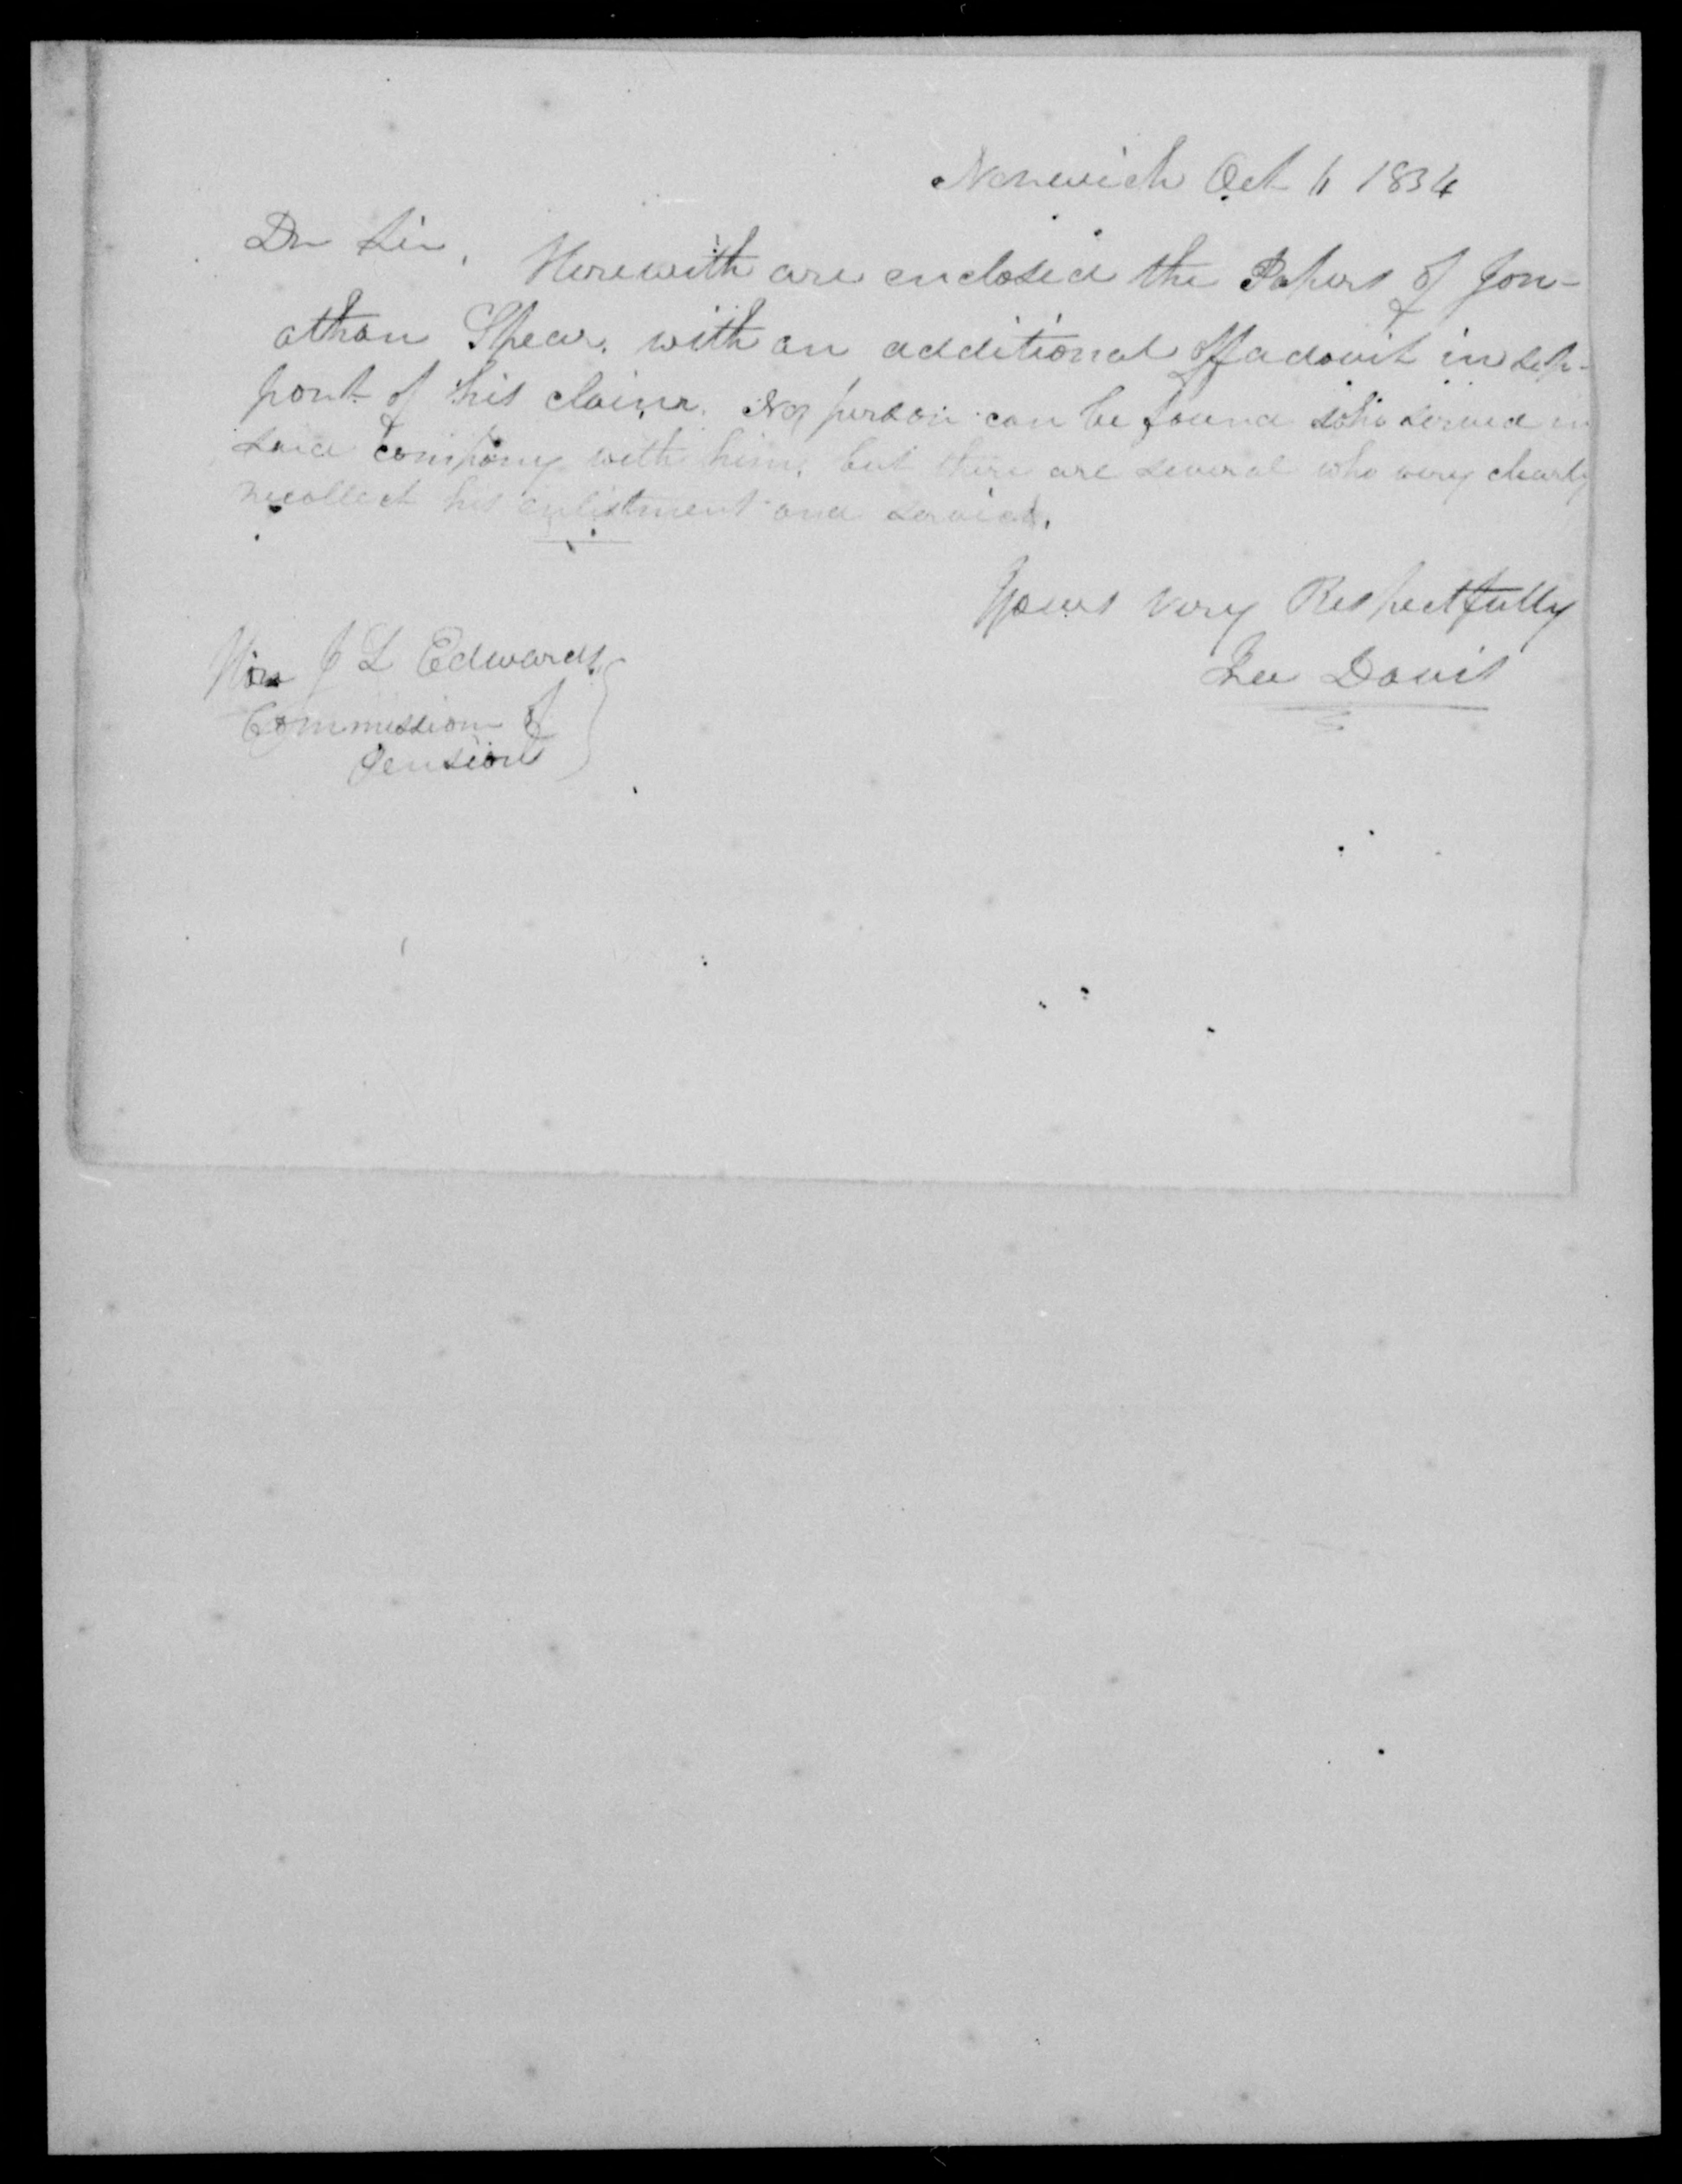Norwich Oct 6 1834
Dr Sir,
Herewith are enclosed the Papers of Jon
than Spear, with an additional affadavit in support of his claim. No person can be found who served in
said company with him; but there are several who very clearly
recollect his enlistment and service
Yours very Respectfully
Ira Davis
Hon J L Edwards
Commission of Pensions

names: Jonathan Spear; J L Edwards; Ira Davis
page: 35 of 65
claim: widow's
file: W. 7197, for Jonathan Spear, Vermont